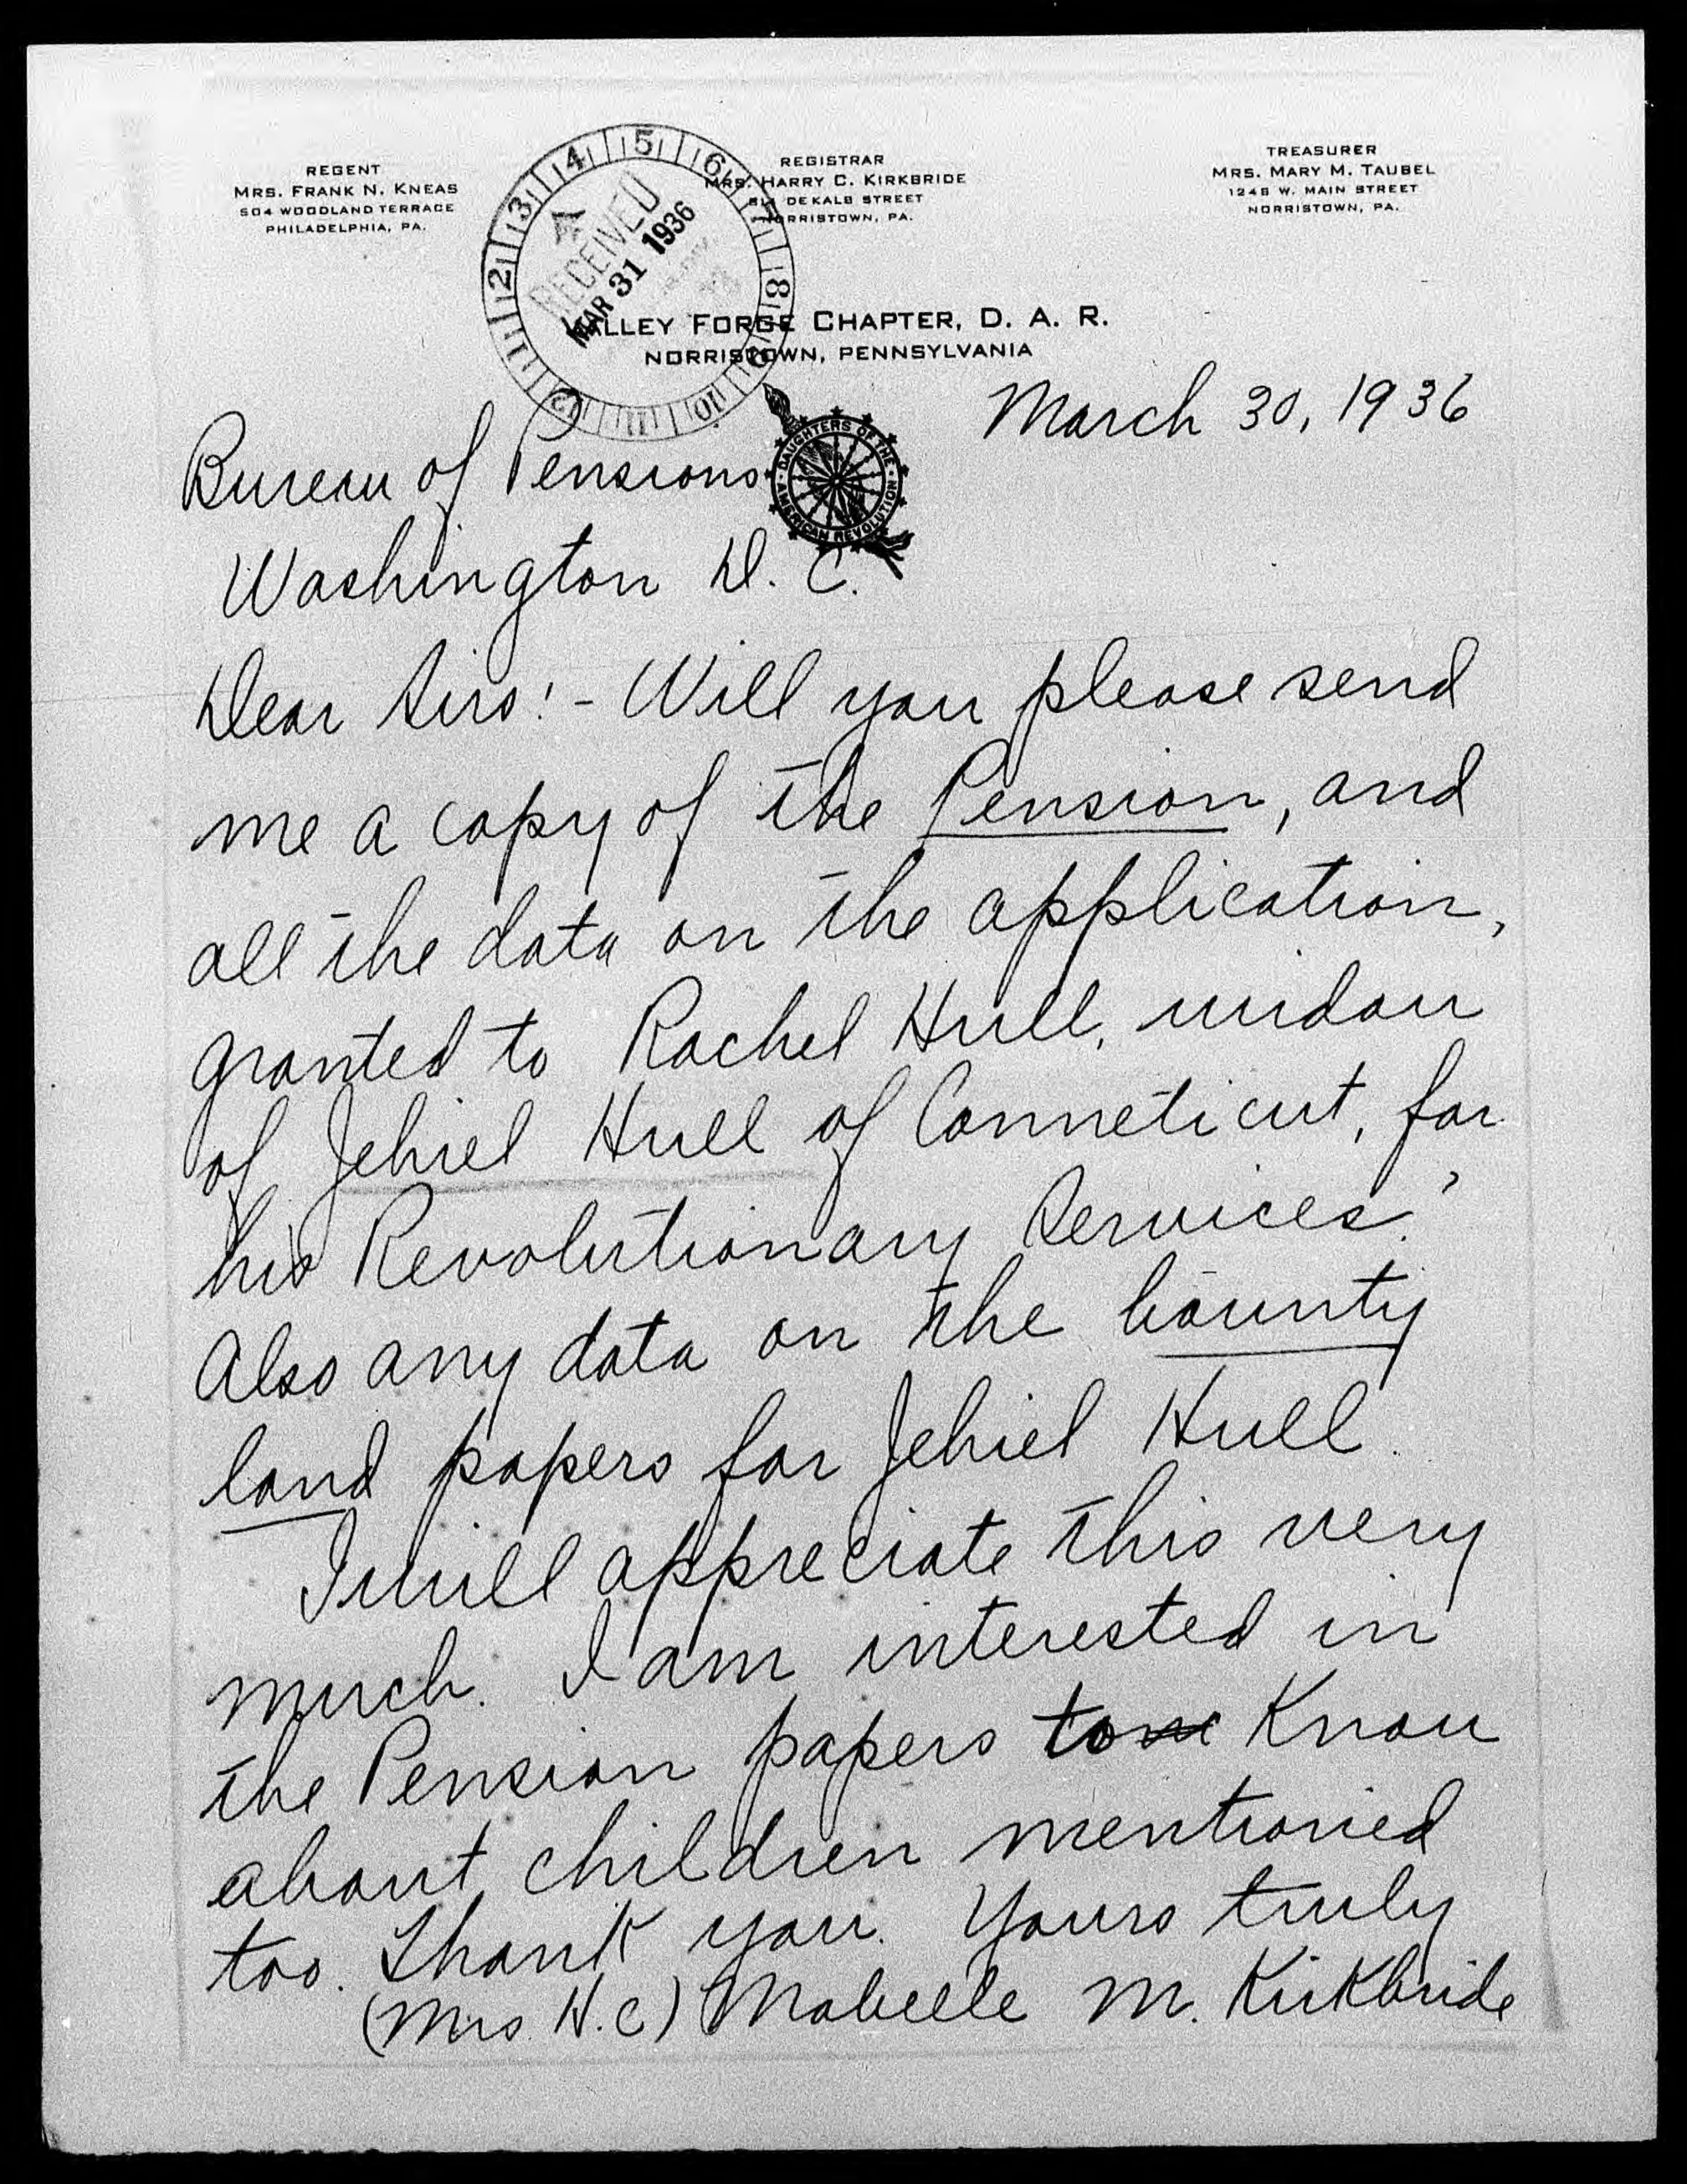REGENT MRS. FRANK N KNEAS
504 WOODLAND TERRACE
PHILADELPHIA,  PA

REGISTRAR 
MRS. HARRY C KIRKBRIDE
814 DEKALB STREET
HARRISTOWN, PA

RECEIVED MAR 31 1936  

VALLEY FORGE CHAPTER, D.A.R. 
NORRISTOWN, PENNSYLVANIA
                                    March 30, 1936
Bureau of Pensions
Washington, DC

Dear Sirs - Will you please send me a copy of the Pension, and all the data on the application granted to Rachel Hull, widow of Jehiel Hull of Connecticut for his Revolutionary service.  Also any data on the bounty land papers for Jehiel Hull.
     I will appreciate this very much.  I am interested in the pension papers to know about children mentioned too.
Thank you.  Yours truly,
   (Mrs. H.C) Mabelle M. Kirkbride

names: Harry C Kirkbride, Mary M Taubel, Mabelle M Kirkbride, Frank N Kneas, Rachel Hull, Jehiel Hull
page: 57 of 58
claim: widow's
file: W. 25813, Jehiel Hull, Conn.